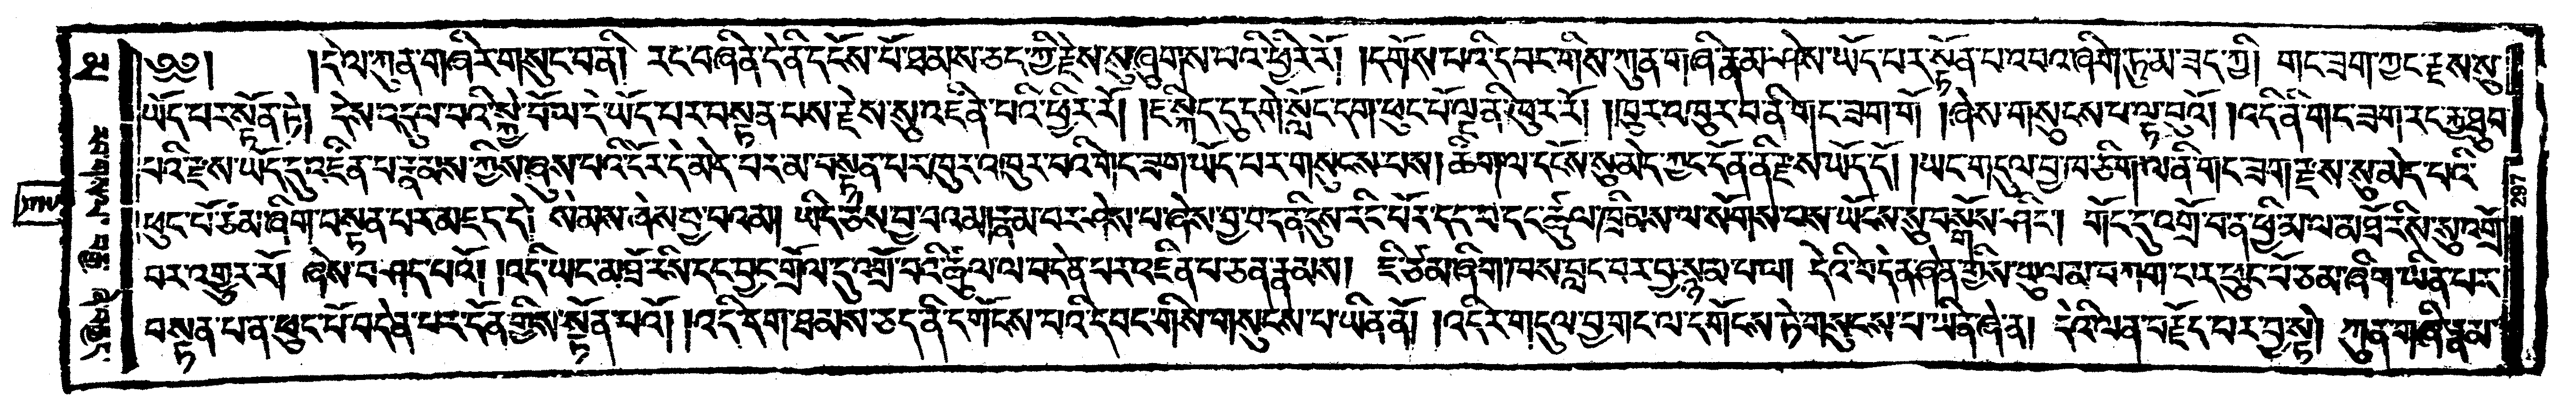༄༅། །དེ་ལ་ཀུན་གཞིར་གསུང་བ་ནི། རང་བཞིན་དེ་ནི་དངོས་པོ་ཐམས་ཅད་ཀྱི་རྗེས་སུ་ཞུགས་པའི་ཕྱིར་རོ། །དགོས་པའི་དབང་གིས་ཀུན་གཞི་རྣམ་ཤེས་ཡོད་པར་སྟོན་པ་འབའ་ཞིག་ཏུ་མ་ཟད་ཀྱི། གང་ཟག་ཀྱང་རྫས་སུ་
ཡོད་པར་སྟོན་ཏེ། དེས་འདུལ་བའི་སྐྱེ་བོ་ལ་དེ་ཡོད་པར་བསྟན་པས་རྗེས་སུ་འཛིན་པའི་ཕྱིར་རོ། །ཇི་སྐད་དུ་དགེ་སློང་དག་ཕུང་པོ་ལྔ་ནི་ཁུར་རོ། །ཁུར་འཁུར་བ་ནི་གང་ཟག་གོ །ཞེས་གསུངས་པ་ལྟ་བུའོ། །འདི་ནི་གང་ཟག་རང་རྐྱ་ཐུབ་
པའི་རྫས་ཡོད་དུ་འཛིན་པ་རྣམས་ཀྱིས་ཞུས་པའི་ངོར་དེ་མེད་པར་མ་བསྟན་པར་ཁུར་འཁུར་བའི་གང་ཟག་ཡོད་པར་གསུངས་པས། ཚིག་ལ་དངོས་སུ་མེད་ཀྱང་དོན་ནི་རྫས་ཡོད་དོ། །ཡང་གདུལ་བྱ་ཁ་ཅིག་ལ་ནི་གང་ཟག་རྫས་སུ་མེད་པའི་
ཕུང་པོ་ཙམ་ཞིག་བསྟན་པར་མཛད་དེ། སེམས་ཞེས་བྱ་བའམ། ཡིད་ཅེས་བྱ་བའམ། རྣམ་པར་ཤེས་པ་ཞེས་བྱ་བ་དེ་ནི་དུས་རིང་པོར་དད་པ་དང་ཚུལ་ཁྲིམས་ལ་སོགས་པས་ཡོངས་སུ་བསྒོས་ཤིང་། གོང་དུ་འགྲོ་བ་ན་ཕྱི་མ་ལ་མཐོ་རིས་སུ་འགྲོ་
བར་འགྱུར་རོ། ཞེས་བཤད་པའོ། །འདི་ཡང་མཐོ་རིས་དང་བྱང་གྲོལ་དུ་འགྲོ་བའི་ཚུལ་ལ་བདེན་པར་འཛིན་པ་ཅན་རྣམས། ཇི་ཙམ་ཞིག་ཁས་བླང་བར་བྱ་སྙམ་པ་ལ། དེའི་བདེན་ཞེན་གྱིས་ཡུལ་མ་བཀག་པར་ཕུང་པོ་ཙམ་ཞིག་ཡིན་པར་
བསྟན་པ་ན་ཕུང་པོ་བདེན་པར་དོན་གྱིས་སྟོན་པའོ། །འདི་དག་ཐམས་ཅད་ནི་དགོངས་པའི་དབང་གིས་གསུངས་པ་ཡིན་ནོ། །འདིར་གདུལ་བྱ་གང་ལ་དགོངས་ཏེ་གསུངས་པ་ཡིན་ཞེ་ན། དེའི་ལན་བརྗོད་པར་བྱ་སྟེ། ཀུན་གཞི་རྣམ་